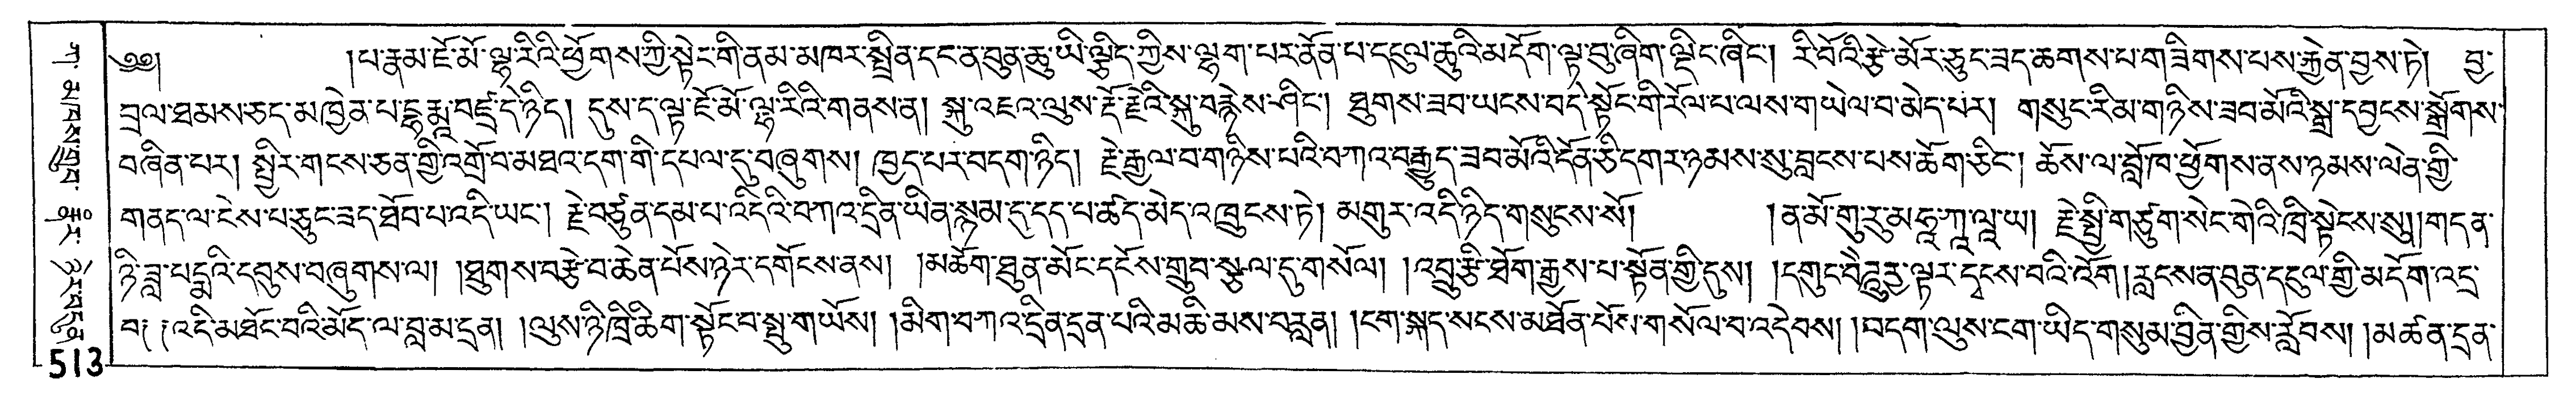༄༅། །པ་རྣམ་ཇོ་མོ་ལྷ་རིའི་ཕྱོགས་ཀྱི་སྟེང་གི་ནམ་མཁར་སྤྲིན་དང་ན་བུན་ཆུ་ཡི་ལྕིད་ཀྱིས་ལྷག་པར་ནོན་པ་དངུལ་ཆུའི་མདོག་ལྟ་བུ་ཞིག་ལྡིང་ཞིང་། རི་བོའི་རྩེ་མོར་ཅུང་ཟད་ཆགས་པ་གཟིགས་པས་རྐྱེན་བྱས་ཏེ། བྱ་
བྲལ་ཐམས་ཅད་མཁྱེན་པ་དྷརྨཱ་བཛྲ་དེ་ཉིད། དུས་ད་ལྟ་ཇོ་མོ་ལྷ་རིའི་གནས་ན། སྐུ་འཇའ་ལུས་རྡོ་རྗེའི་སྐུ་བརྙེས་ཤིང་། ཐུགས་ཟབ་ཡངས་བདེ་སྟོང་གི་རོལ་པ་ལས་གཡེལ་བ་མེད་པར། གསུང་རིམ་གཉིས་ཟབ་མོའི་སྒྲ་དབྱངས་སྒྲོགས་
བཞིན་པར། སྤྱིར་གངས་ཅན་གྱི་འགྲོ་བ་མཐའ་དག་གི་དཔལ་དུ་བཞུགས། ཁྱད་པར་བདག་ཉིད། རྗེ་རྒྱལ་བ་གཉིས་པའི་བཀའ་བརྒྱུད་ཟབ་མོའི་དོན་ཅི་དགར་ཉམས་སུ་བླངས་པས་ཆོག་ཅིང་། ཆོས་ལ་བློ་ཁ་ཕྱོགས་ནས་ཉམས་ལེན་གྱི་
གནད་ལ་ངེས་པ་ཅུང་ཟད་ཐོབ་པ་འདི་ཡང་། རྗེ་བཙུན་དམ་པ་འདིའི་བཀའ་དྲིན་ཡིན་སྙམ་དུ་དད་པ་ཚད་མེད་འཁྲུངས་ཏེ། མགུར་འདི་ཉིད་གསུངས་སོ། །ན་མོ་གུ་རུ་མཧཱ་ཀཱ་ལཱ་ཡ། རྗེ་སྤྱི་གཙུག་སེང་གེའི་ཁྲི་སྟེངས་སུ། །གདན་
ཉི་ཟླ་པདམའི་དབུས་བཞུགས་ལ། །ཐུགས་བརྩེ་བ་ཆེན་པོས་ཉེར་དགོངས་ནས། །མཆོག་ཐུན་མོང་དངོས་གྲུབ་སྩལ་དུ་གསོལ། །འབྲུ་རྩི་ཐོག་རྒྱས་པ་སྟོན་གྱི་དུས། །དགུང་བཻཌཱུརྱ་ལྟར་དྭངས་བའི་འོག །རླངས་ན་བུན་དངུལ་གྱི་མདོག་འདྲ་
བ༑ ༑འདི་མཐོང་བའི་མོད་ལ་བླ་མ་དྲན། །ལུས་ཉི་ཁྲི་ཆིག་སྟོང་བ་སྤུ་གཡོས། །མིག་བཀའ་དྲིན་དྲན་པའི་མཆི་མས་བརླན། །ངག་སྐད་སངས་མཐོན་པོས་གསོལ་བ་འདེབས། །བདག་ལུས་ངག་ཡིད་གསུམ་བྱིན་གྱིས་རློབས། །མཚན་དྲན་